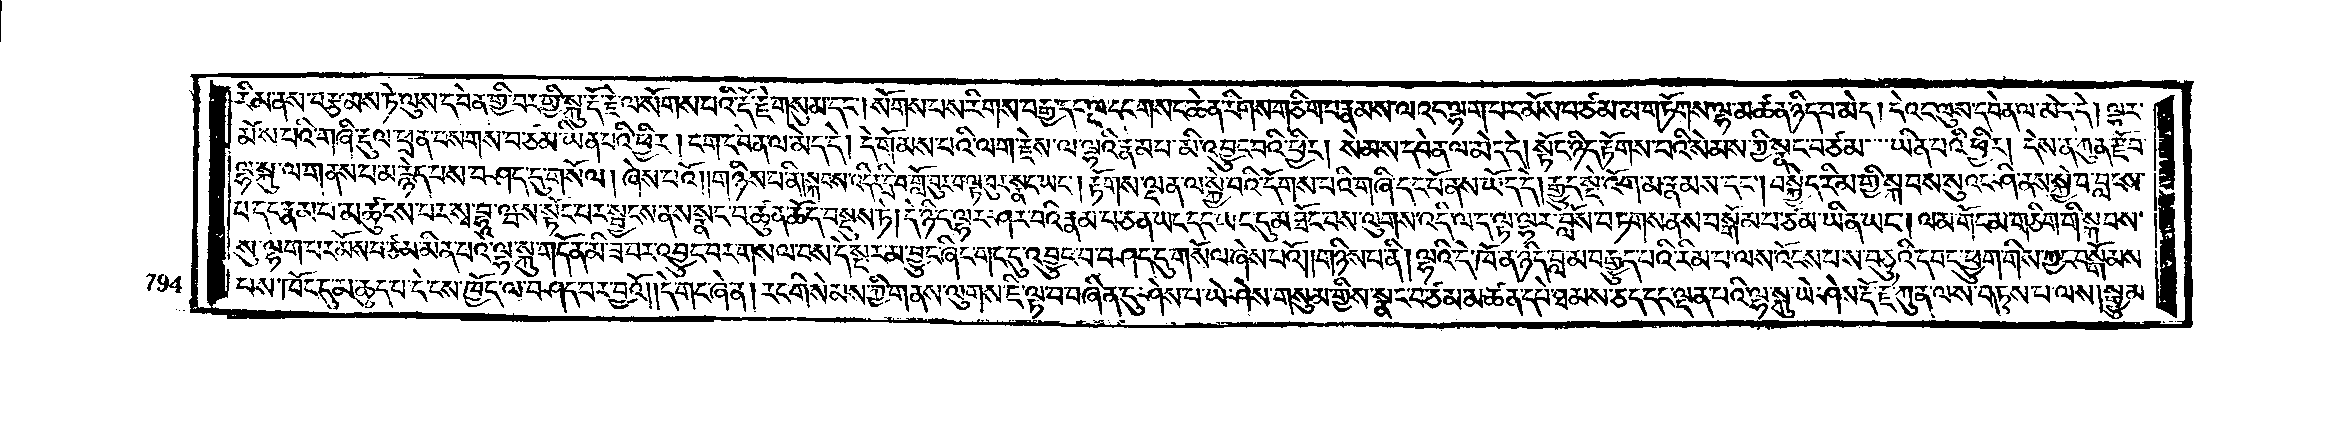རིམ་ནས་བརྩམས་ཏེ་ལུས་དབེན་གྱི་བར་གྱི་སྐུ་རྡོ་རྗེ་ལ་སོགས་པའི་རྡོ་རྗེ་གསུམ་དང་། སོགས་པས་རིགས་བརྒྱ་དང་ལྔ་དང་གསང་ཆེན་རིགས་གཅིག་པ་རྣམས་ལའང་ལྷག་པར་མོས་པ་ཙམ་མ་གཏོགས་ལྷ་མཚན་ཉིད་པ་མེད། དེའང་ལུས་དབེན་ལ་མེད་དེ། ལྷར་
མོས་པའི་གཞི་རྡུལ་ཕྲན་བསགས་པ་ཙམ་ཡིན་པའི་ཕྱིར། ངག་དབེན་ལ་མེད་དེ། དེ་གོམས་པའི་ལག་རྗེས་ལ་ལྷའི་རྣམ་པ་མི་འབྱུང་བའི་ཕྱིར། སེམས་དབེན་ལ་མེད་དེ། སྟོང་ཉིད་རྟོགས་པའི་སེམས་ཀྱི་སྣང་བ་ཙམ་ཡིན་པའི་ཕྱིར། དེས་ན་ཀུན་རྫོབ་
ལྷ་སྐུ་ལ་གནས་པ་མ་རྙེད་པས་བཤད་དུ་གསོལ། ཞེས་པའོ། །གཉིས་པ་ནི། སྐབས་འདིར་དྲི་བ་གློ་བུར་བ་ལྟ་བུར་སྣང་ཡང་། རྟོགས་ལྡན་ལ་སྐྱེ་བའི་དོགས་པའི་གཞི་དང་པོ་ནས་ཡོད་དེ། རྒྱུད་སྡེ་འོག་མ་རྣམས་དང་། བསྐྱེད་རིམ་གྱི་སྐབས་སུའང་ཤི་ནས་སྐྱེ་བ་བླངས་
པ་དང་རྣམ་པ་མཚུངས་པར་སྭ་བྷཱ་ཝས་སྟོང་པར་སྦྱངས་ནས་སྣང་བ་ཚུན་ཆོད་བསྡུས་ཏེ། དེ་ཉིད་ལྷར་ཤར་བའི་རྣམ་པ་ཅན་ཡང་དང་ཡང་དུ་མཐོང་བས་ལུགས་འདི་ལ་ད་ལྟ་ལྷར་བློས་བཏགས་ནས་བསྒོམ་པ་ཙམ་ཡིན་ཡང་། ལམ་གོང་མ་གཅིག་གི་སྐབས་
སུ་ལྷག་པར་མོས་པ་ཙམ་མིན་པའི་ལྷ་སྐུ་གདོན་མི་ཟ་བར་འབྱུང་བར་གསལ་བས་དེ་སྔར་མ་བྱུང་ཞིང་གང་དུ་འབྱུང་བ་བཤད་དུ་གསོལ་ཞེས་པའོ། །གཉིས་པ་ནི། ལྷའི་དེ་ཁོ་ན་ཉིད་བླ་མ་བརྒྱུད་པའི་རིམ་པ་ལས་འོངས་པ་ས་བཅུའི་དབང་ཕྱུག་གིས་ཀྱང་བསྒོམས་
པས་ཁོང་དུ་མ་ཆུད་པ་དེ་ངས་ཁྱོད་ལ་བཤད་པར་བྱའོ། །དེ་གང་ཞེ་ན། རང་གི་སེམས་ཀྱི་གནས་ལུགས་ཇི་ལྟ་བ་བཞིན་དུ་ཤེས་པ་ཡེ་ཤེས་གསུམ་གྱིས་སྣང་བ་ཙམ་མཚན་དཔེ་ཐམས་ཅད་དང་ལྡན་པའི་ལྷ་སྐུ་ཡེ་ཤེས་རྡོ་རྗེ་ཀུན་ལས་བཏུས་པ་ལས། སྒྱུ་མ་